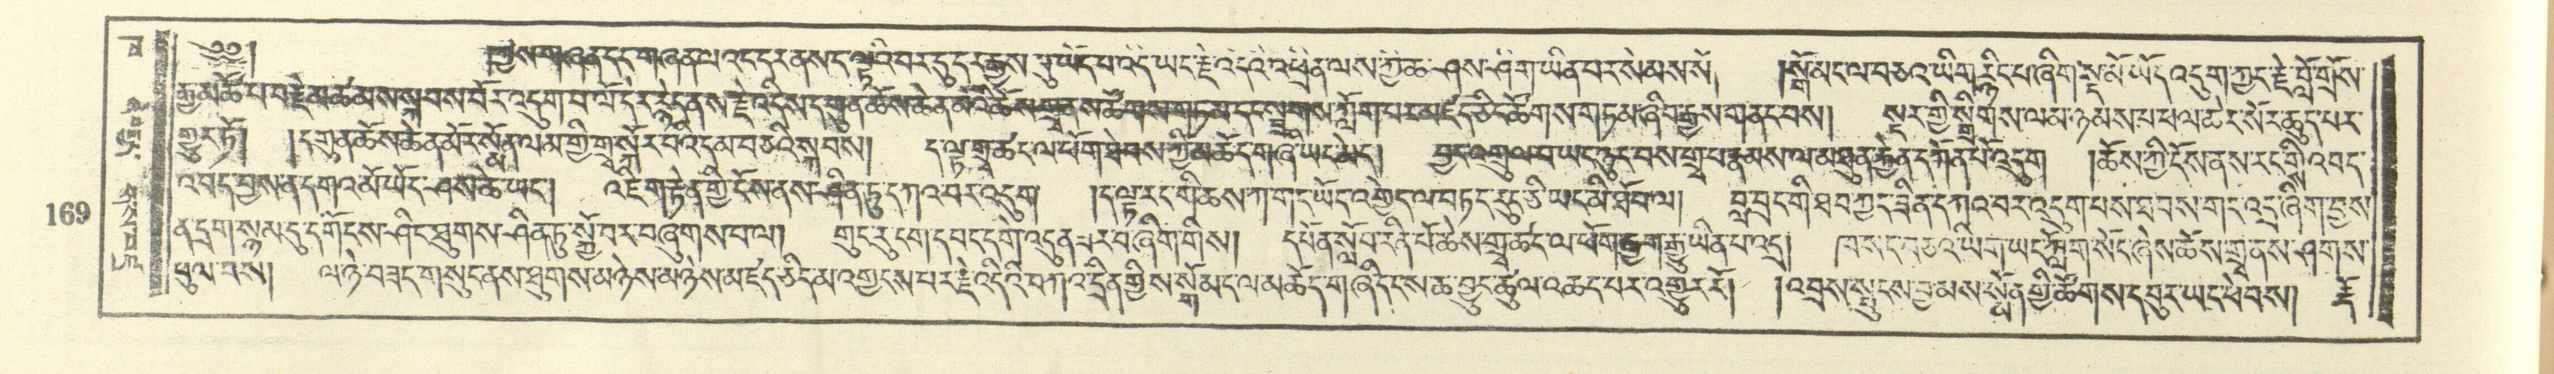༄༅། །ཀྱིས་གཞན་དང་གཞན་ལའང་དར་ནས་ད་ལྟའི་བར་དུ་དར་རྒྱས་སུ་ཡོད་པ་འདི་ཡང་རྗེ་འདིའི་འཕྲིན་ལས་ཀྱི་ཆ་ཤས་ཤིག་ཡིན་པར་སེམས་སོ། །སྒོ་མང་ལ་བཅའ་ཡིག་རྙིང་པ་ཞིག་སྔ་མོ་ཡོད་འདུག་ཀྱང་རྗེ་བློ་གྲོས་
རྒྱ་མཚོ་པ་བརྗེ་མཚམས་སྐབས་བོར་འདུག་པ་ལོ་དེར་རྙེད་ནས་རྗེ་འདིས་དགུན་ཆོས་ཆེན་མོའི་ཆོས་གྲྭ་ནས་ཚོགས་གཏམ་དང་སྦྲགས་ཀློག་པར་མཛད་ཅིང་ཚོགས་གཏམ་ཞིབ་རྒྱས་གནང་བས། སྔར་གྱི་སྒྲིགས་ལམ་ཉམས་པ་ཕལ་ཆེར་སོར་ཆུད་པར་
གྱུར་ཏོ། །དགུན་ཆོས་ཆེན་མོར་སྨོན་ལམ་གྱི་གྲྭ་སྐོར་བའི་དམ་བཅའི་སྐབས། ད་ལྟ་གྲྭ་ཚང་ལ་ཕོག་ཐེབས་ཀྱི་མཆོད་གཞི་ཡང་མེད། བྱང་འགྲུལ་བ་ཡང་ཉུང་བས་གྲྭ་པ་རྣམས་ལ་མཐུན་རྐྱེན་དཀོན་པོ་འདུག །ཆོས་ཀྱི་ངོས་ནས་རང་གིས་འབད་
འབད་བྱས་ན་དགའ་མོ་ཡོང་ཤས་ཆེ་ཡང་། འཇིག་རྟེན་གྱི་ངོས་ནས་ཤིན་ཏུ་དཀའ་བར་འདུག །ད་ལྟ་རང་གི་ཆས་ཀ་གང་ཡོད་འགྱེད་ལ་བཏད་རུང་ཅི་ཡང་མི་ཐོབ་ལ། བླ་བྲང་གི་ཐབ་ཀྱང་ཟིན་དཀའ་བར་འདུག་པས་ཐབས་གང་འདྲ་ཞིག་བྱས་
ན་དྲག་སྙམ་དུ་དགོངས་ཤིང་ཐུགས་ཤིན་ཏུ་སྐྱོ་བར་བཞུགས་པ་ལ། གུང་རུ་ངག་དབང་དགེ་འདུན་ཟེར་བ་ཞིག་གིས། དཔོན་སློབ་རིན་པོ་ཆེས་གྲྭ་ཚང་ལ་ཕོག་རྒྱག་རྒྱུ་ཡིན་པ་འདྲ། ཁ་སང་བཅའ་ཡིག་ཡང་ཀློག་སོང་ཞེས་ཆོས་གྲྭ་ནས་ཤགས་
ཕུལ་བས། ལ་ཉེ་བཟང་གསུང་ནས་ཐུགས་མཉེས་མཉེས་མཛད་ཅིད་མ་འགྱངས་པར་རྗེ་འདིའི་བཀའ་དྲིན་གྱིས་སྒོ་མང་ལ་མཆོད་གཞི་དང་ས་ཆ་བྱུང་ཚུལ་འཆང་པར་འགྱུར་རོ། །འབྲས་སྤུངས་བྱམས་སྨོན་གྱི་ཚོགས་དབུར་ཡང་ཕེབས། རྡོ་